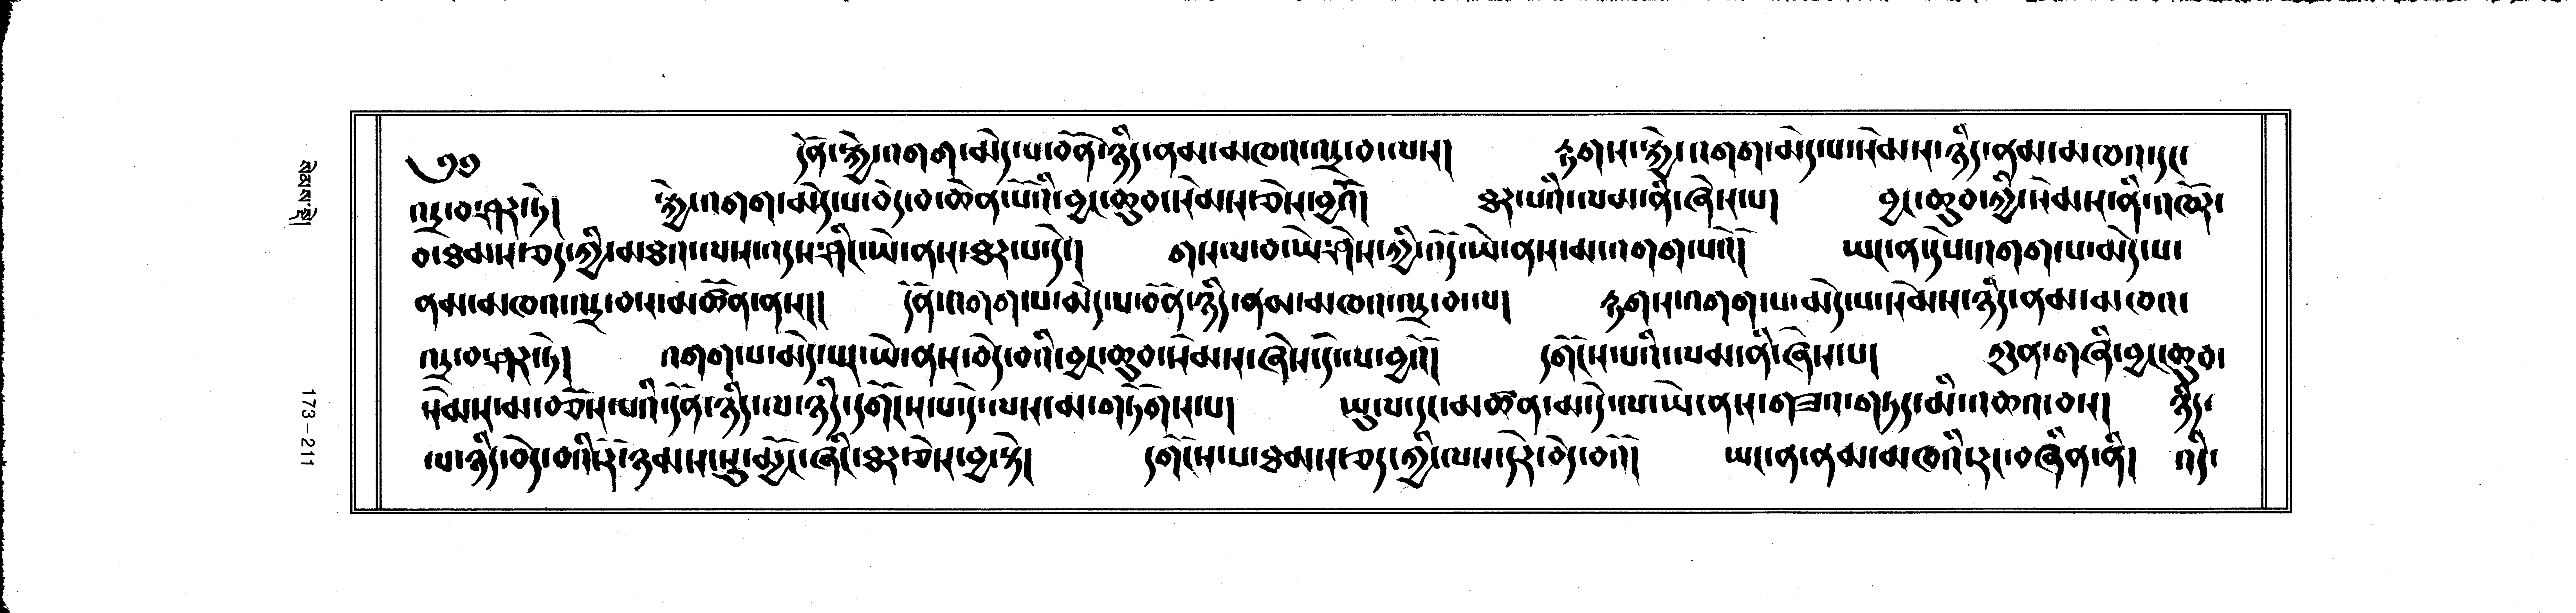དོན་སྐྱེ་འགག་མེད་པ་བོན་ཉིད་ནམ་མཁའ་འདྲ་བ་ལས། རྟགས་སྐྱེ་འགག་མེད་པ་སེམས་ཉིད་ནམ་མཁའ་དང་
འདྲ་བ་ཤར་ཏེ། སྐྱེ་འགག་མེད་པ་བདེ་བ་ཆེན་པོའི་བྱང་ཆུབ་སེམས་ཅེས་བྱའོ། །ཐར་པའི་ལམ་ནི། ཞེས་པ། བྱང་ཆུབ་སེམས་ནི་འཁོར་
བ་ཐམས་ཅད་ཀྱི་མཐའ་ལས་འདས་ཤིང་ཡེ་ནས་ཐར་པ་དེ། གསལ་བ་ཡེ་ཤེས་ཀྱི་འོད་ཡེ་ནས་མ་འགག་པའོ། །ཡང་ན་དཔེ་འགག་པ་མེད་པ་
ནམ་མཁའ་འདྲ་བས་མཚོན་ནས། དོན་འགག་པ་མེད་པ་བོན་ཉིད་ཀྱི་ནམ་མཁའ་འདྲ་བ་ལ། རྟགས་འགག་པ་མེད་པ་སེམས་ཉིད་ནམ་མཁའ་དང་
འདྲ་བ་ཤར་ཏེ། འགག་པ་མེད་པ་ཡེ་ནས་བདེ་བའི་བྱང་ཆུབ་སེམས་ཞེས་དེ་ལ་བྱའོ། །དགོངས་པའི་ལམ་ཞེས་པ་ནི། ཀུན་གཞི་བྱང་ཆུབ་
སེམས་མ་བཅོས་པའི་དོན་ཉིད་ལ་ཉིད་དགོངས་པ་དེ་ལས་མ་གཏོགས་པ། ཡུལ་དང་མཚན་མ་དེ་ལ་ཡེ་ནས་གཟའ་གཏད་མི་འཆའ་བས། ཉིད་
ལ་ཉིད་བདེ་བའི་རོ་ཉམས་སུ་མྱོང་ཞིང་ཐར་ཅེས་བྱ་སྟེ། དགོངས་པ་ཐམས་ཅད་ཀྱི་ལས་དེར་བདེ་བའོ། །ཡང་ན་ནམ་མཁའི་རང་བཞིན་ནི། འདི་